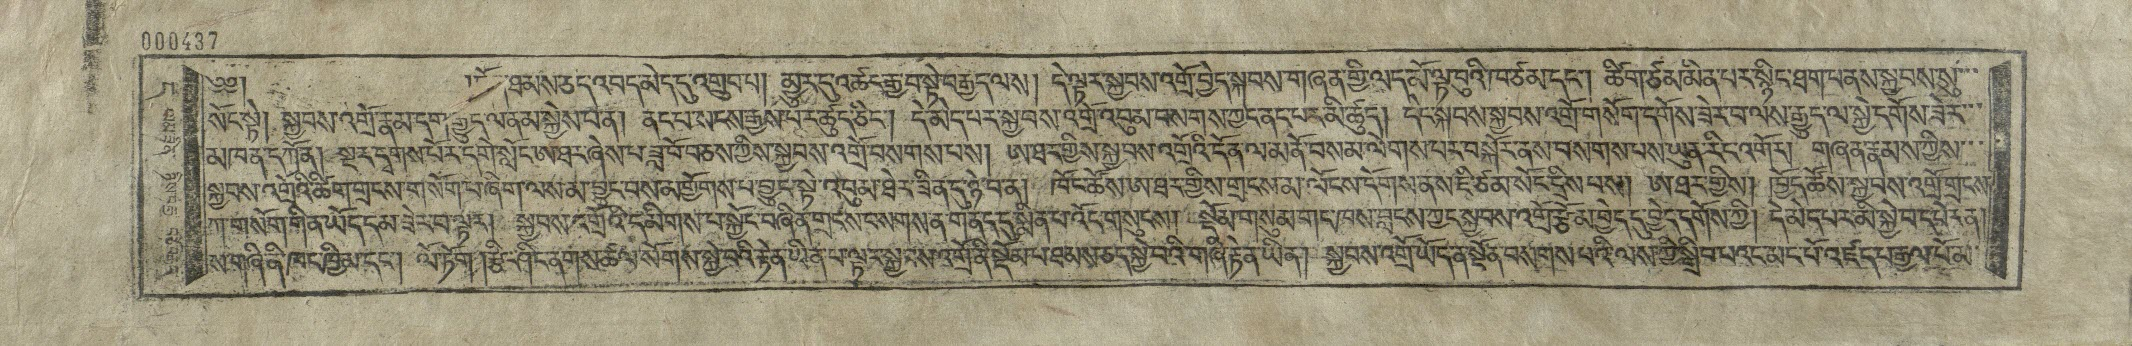༄༅། །དོན་ཐམས་ཅད་འབད་མེད་དུ་འགྲུབ་པ། མྱུར་དུ་འཚང་རྒྱ་བ་སྟེ་བརྒྱད་ལས། དེ་ལྟར་སྐྱབས་འགྲོ་བྱེད་སྐབས་གཞན་གྱི་ལད་མོ་ལྟ་བུའི་ཁ་ཙམ་དང་། ཚིག་ཙམ་མིན་པར་སྙིང་ཐག་པ་ནས་སྐྱབས་སུ་
སོང་སྟེ། སྐྱབས་འགྲོ་རྣམ་དག་རྒྱུད་ལ་ནམ་སྐྱེས་པ་ན། ནང་པ་སངས་རྒྱས་པར་ཚུད་ཅིང་། དེ་མེད་པར་སྐྱབས་འགྲོ་འབུམ་བསགས་ཀྱང་ནང་པར་མི་ཚུད། དེང་སྐབས་འགྲོ་གསོག་དགོས་ཟེར་བ་ལས་རྒྱུད་ལ་སྐྱེ་དགོས་ཟེར་
མཁན་དཀོན། སྔར་དྭགས་པོར་དགེ་སློང་ཨ་ཐར་ཞེས་པ་ཟླ་བོ་བཅས་ཀྱིས་སྐྱབས་འགྲོ་བསགས་པས། ཨ་ཐར་གྱིས་སྐྱབས་འགྲོའི་དོན་ལ་མ་ནོ་བསམ་ལེགས་པར་བསྐོར་ནས་བསགས་པས་ཡུན་རིང་འགོར། གཞན་རྣམས་ཀྱིས་
སྐྱབས་འགྲོའི་ཚིག་གྲངས་གསོག་པ་ཞིག་ལས་མ་བྱུང་བས་མགྱོགས་པ་བྱུང་སྟེ་འབུམ་ཐེར་ཟིན་དུ་ཉེ་བ་ན། ཁོང་ཚོས་ཨ་ཐར་གྱིས་གྲངས་མ་ལོངས་དོགས་ནས་ཇི་ཙམ་སོང་དྲིས་པས། ཨ་ཐར་གྱིས། ཁྱོད་ཚོས་སྐྱབས་འགྲོ་གྲངས་
ཀ་གསོག་གི་ན་ཡོད་དམ་ཟེར་བ་ལྟར། སྐྱབས་འགྲོའི་དམིགས་པ་སྐྱོང་བཞིན་གྲངས་བསགས་ན་གནད་དུ་སྨིན་པ་འོང་གསུངས། སྡོམ་གསུམ་གང་ཁས་བླངས་ཀྱང་སྐྱབས་འགྲོ་རྩོམ་བྱེད་དུ་བྱེད་དགོས་ཀྱི། དེ་མེད་པར་མི་སྐྱེ་བ་དཔེར་ན་
ས་གཞི་ནི་ཁང་ཁྱིམ་དང་། ལོ་ཏོག །རྩི་ཤིང་ནགས་ཚལ་སོགས་སྐྱེ་བའི་རྟེན་ཡིན་པ་ལྟར་སྐྱབས་འགྲོ་ནི་སྡོམ་པ་ཐམས་ཅད་སྐྱེ་བའི་གཞི་རྟེན་ཡིན། སྐྱབས་འགྲོ་ཡོད་ན་སྔོན་བསགས་པའི་ལས་ཀྱི་སྒྲིབ་པའང་མང་པོ་འཛད་པ་རྒྱལ་པོ་མ་